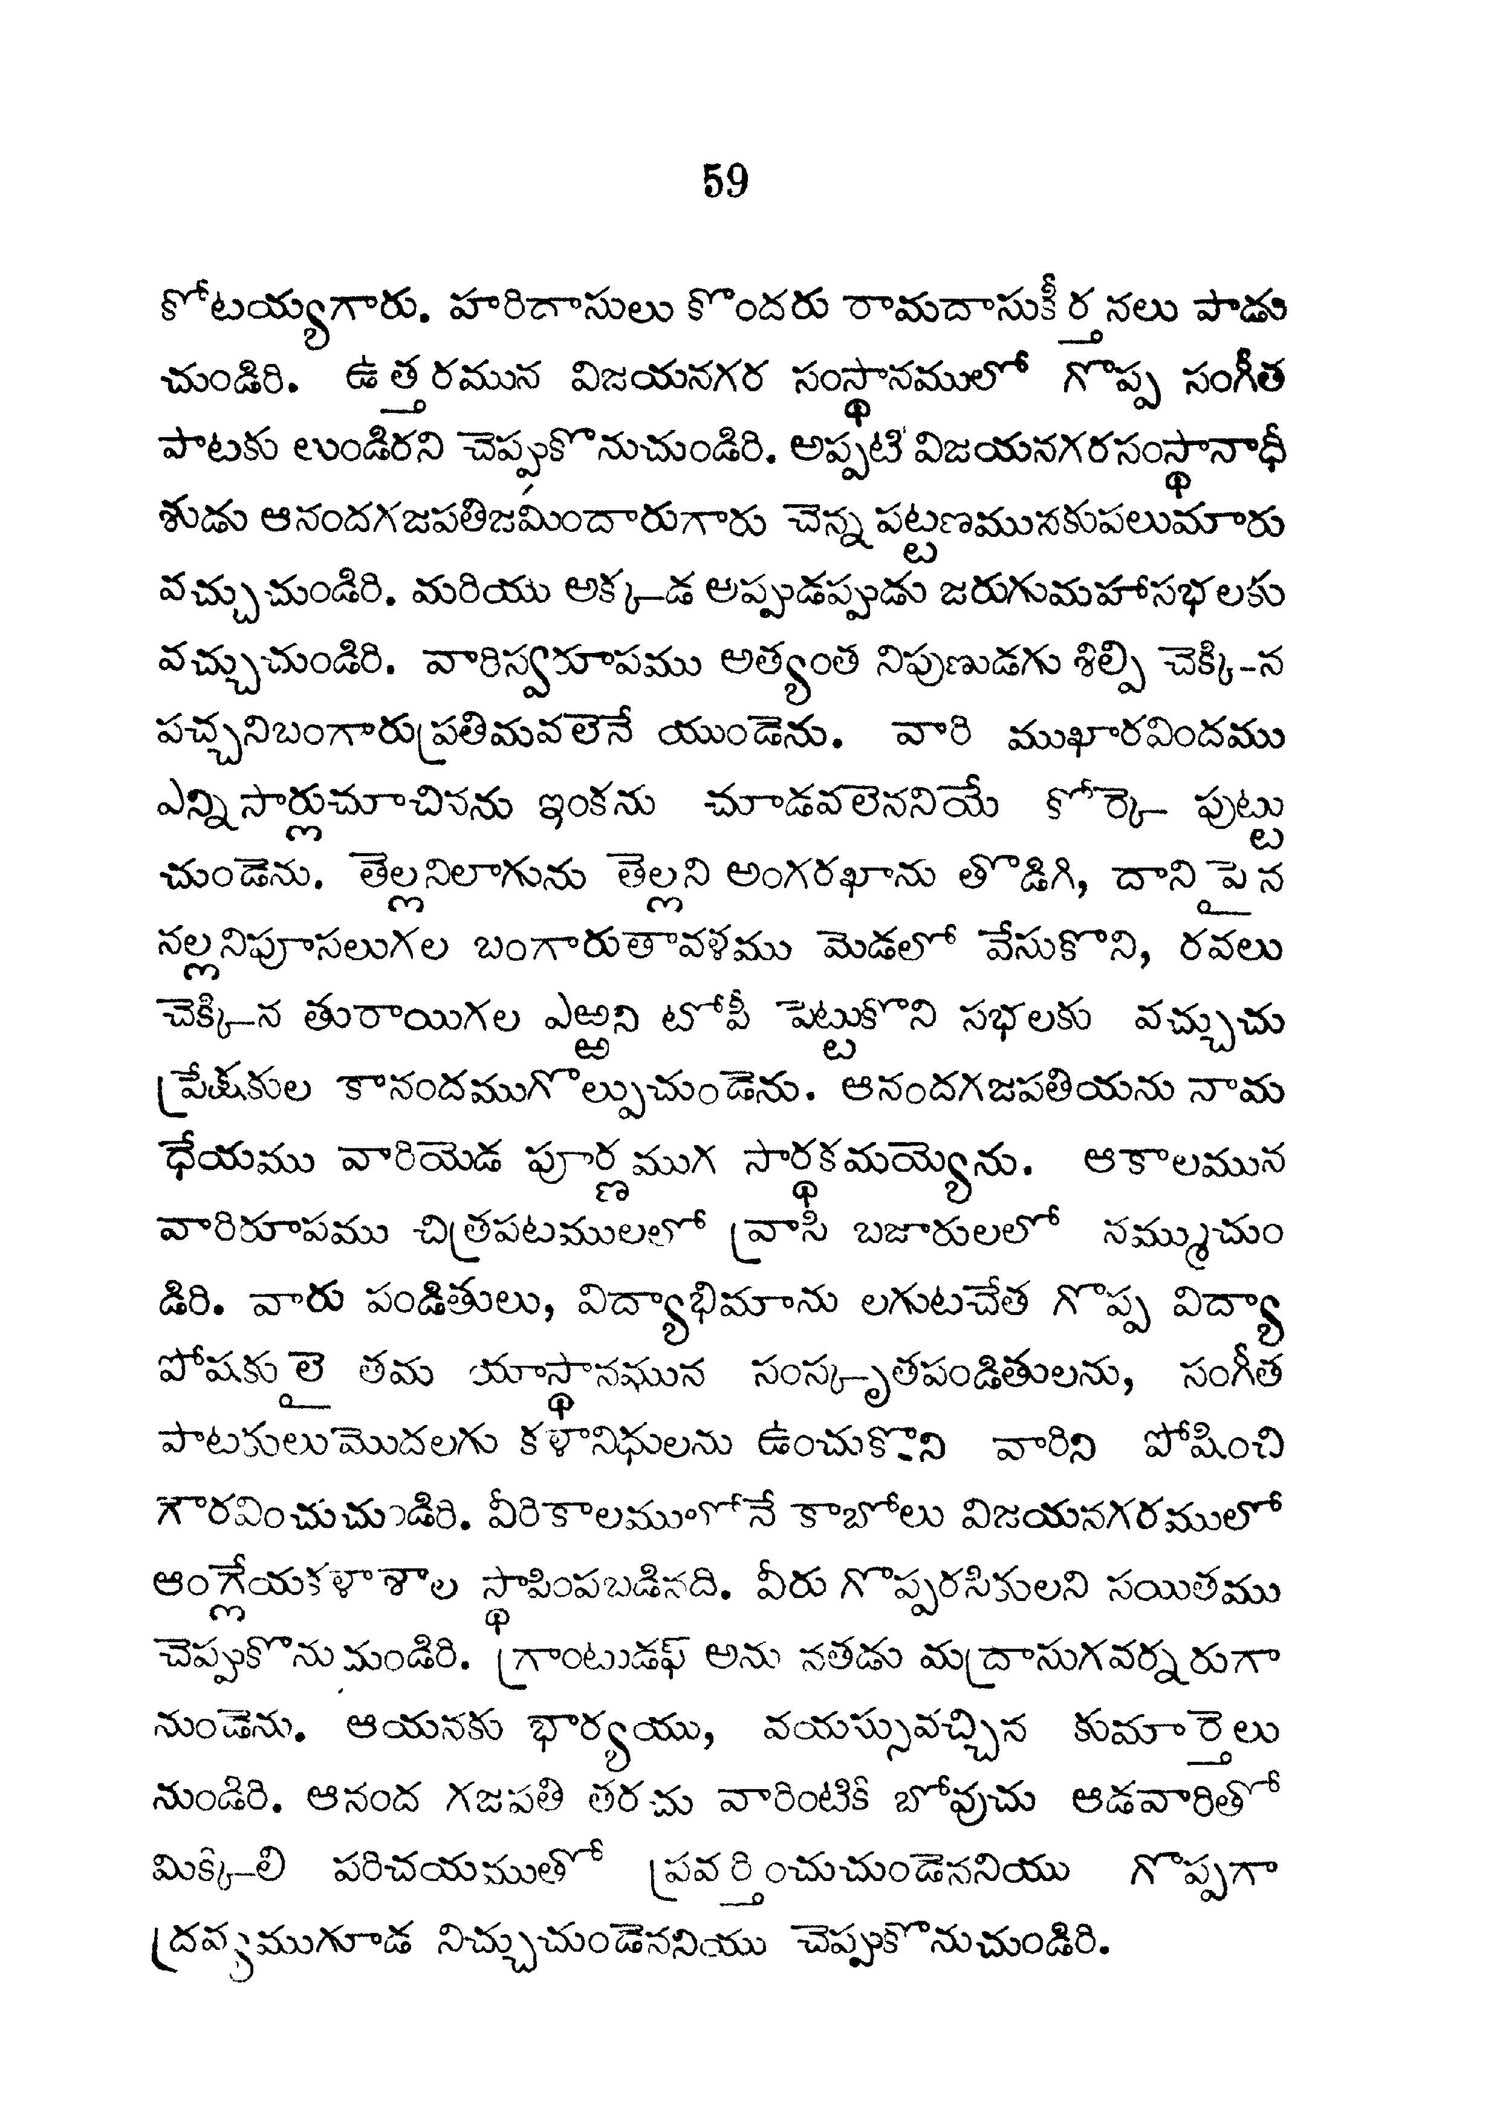కోటయ్యగారు, హరిదాసులు కొందరు రామదాసుకీర్తనలు పాడుచుండిరి. ఉత్తరమున విజయనగర సంస్థానములో గొప్ప సంగీతపాటకు లుండిరని చెప్పుకొనుచుండిరి. అప్పటి విజయనగరసంస్థానాధీశుడు ఆనందగజపతిజమీందారుగారు చెన్నపట్టణమునకుపలుమారు వచ్చుచుండిరి. మరియు అక్కడ అప్పుడప్పుడు జరుగుమహాసభలకు వచ్చుచుండిరి. వారిస్వరూపము అత్యంత నిపుణుడగు శిల్పి చెక్కిన పచ్చనిబంగారుప్రతిమవలెనే యుండెను. వారి ముఖారవిందము ఎన్నిసార్లుచూచినను ఇంకను చూడవలెననియే కోర్కె పుట్టుచుండెను. తెల్లనిలాగును తెల్లని అంగరఖాను తొడిగి, దానిపైన నల్లనిపూసలుగల బంగారుతావళము మెడలో వేసుకొని, రవలు చెక్కిన తురాయిగల ఎఱ్ఱని టోపీ పెట్టుకొని సభలకు వచ్చుచు ప్రేక్షకుల కానందముగొల్పుచుండెను. ఆనందగజపతియను నామధేయము వారియెడ పూర్ణముగ సార్థకమయ్యెను. ఆకాలమున వారిరూపము చిత్రపటములలో వ్రాసి బజారులలో నమ్ముచుండిరి. వారు పండితులు, విద్యాభిమాను లగుటచేత గొప్ప విద్యాపోషకులై తమ యాస్థానమున సంస్కృతపండితులను, సంగీత పాటకులు మొదలగు కళానిధులను ఉంచుకొని వారిని పోషించి గౌరవించుచుండిరి. వీరికాలములోనే కాబోలు విజయనగరములో ఆంగ్లేయకళాశాల స్థాపింపబడినది. వీరు గొప్పరసికులని సయితము చెప్పుకొనుచుండిరి. గ్రాంటుడఫ్ అను నతడు మద్రాసుగవర్నరుగా నుండెను. ఆయనకు భార్యయు, వయస్సువచ్చిన కుమార్తెలు నుండిరి. ఆనంద గజపతి తరచు వారింటికి బోవుచు ఆడవారితో మిక్కిలి పరిచయముతో ప్రవర్తించుచుండెననియు గొప్పగా ద్రవ్యముగూడ నిచ్చుచుండెననియు చెప్పుకొనుచుండిరి.